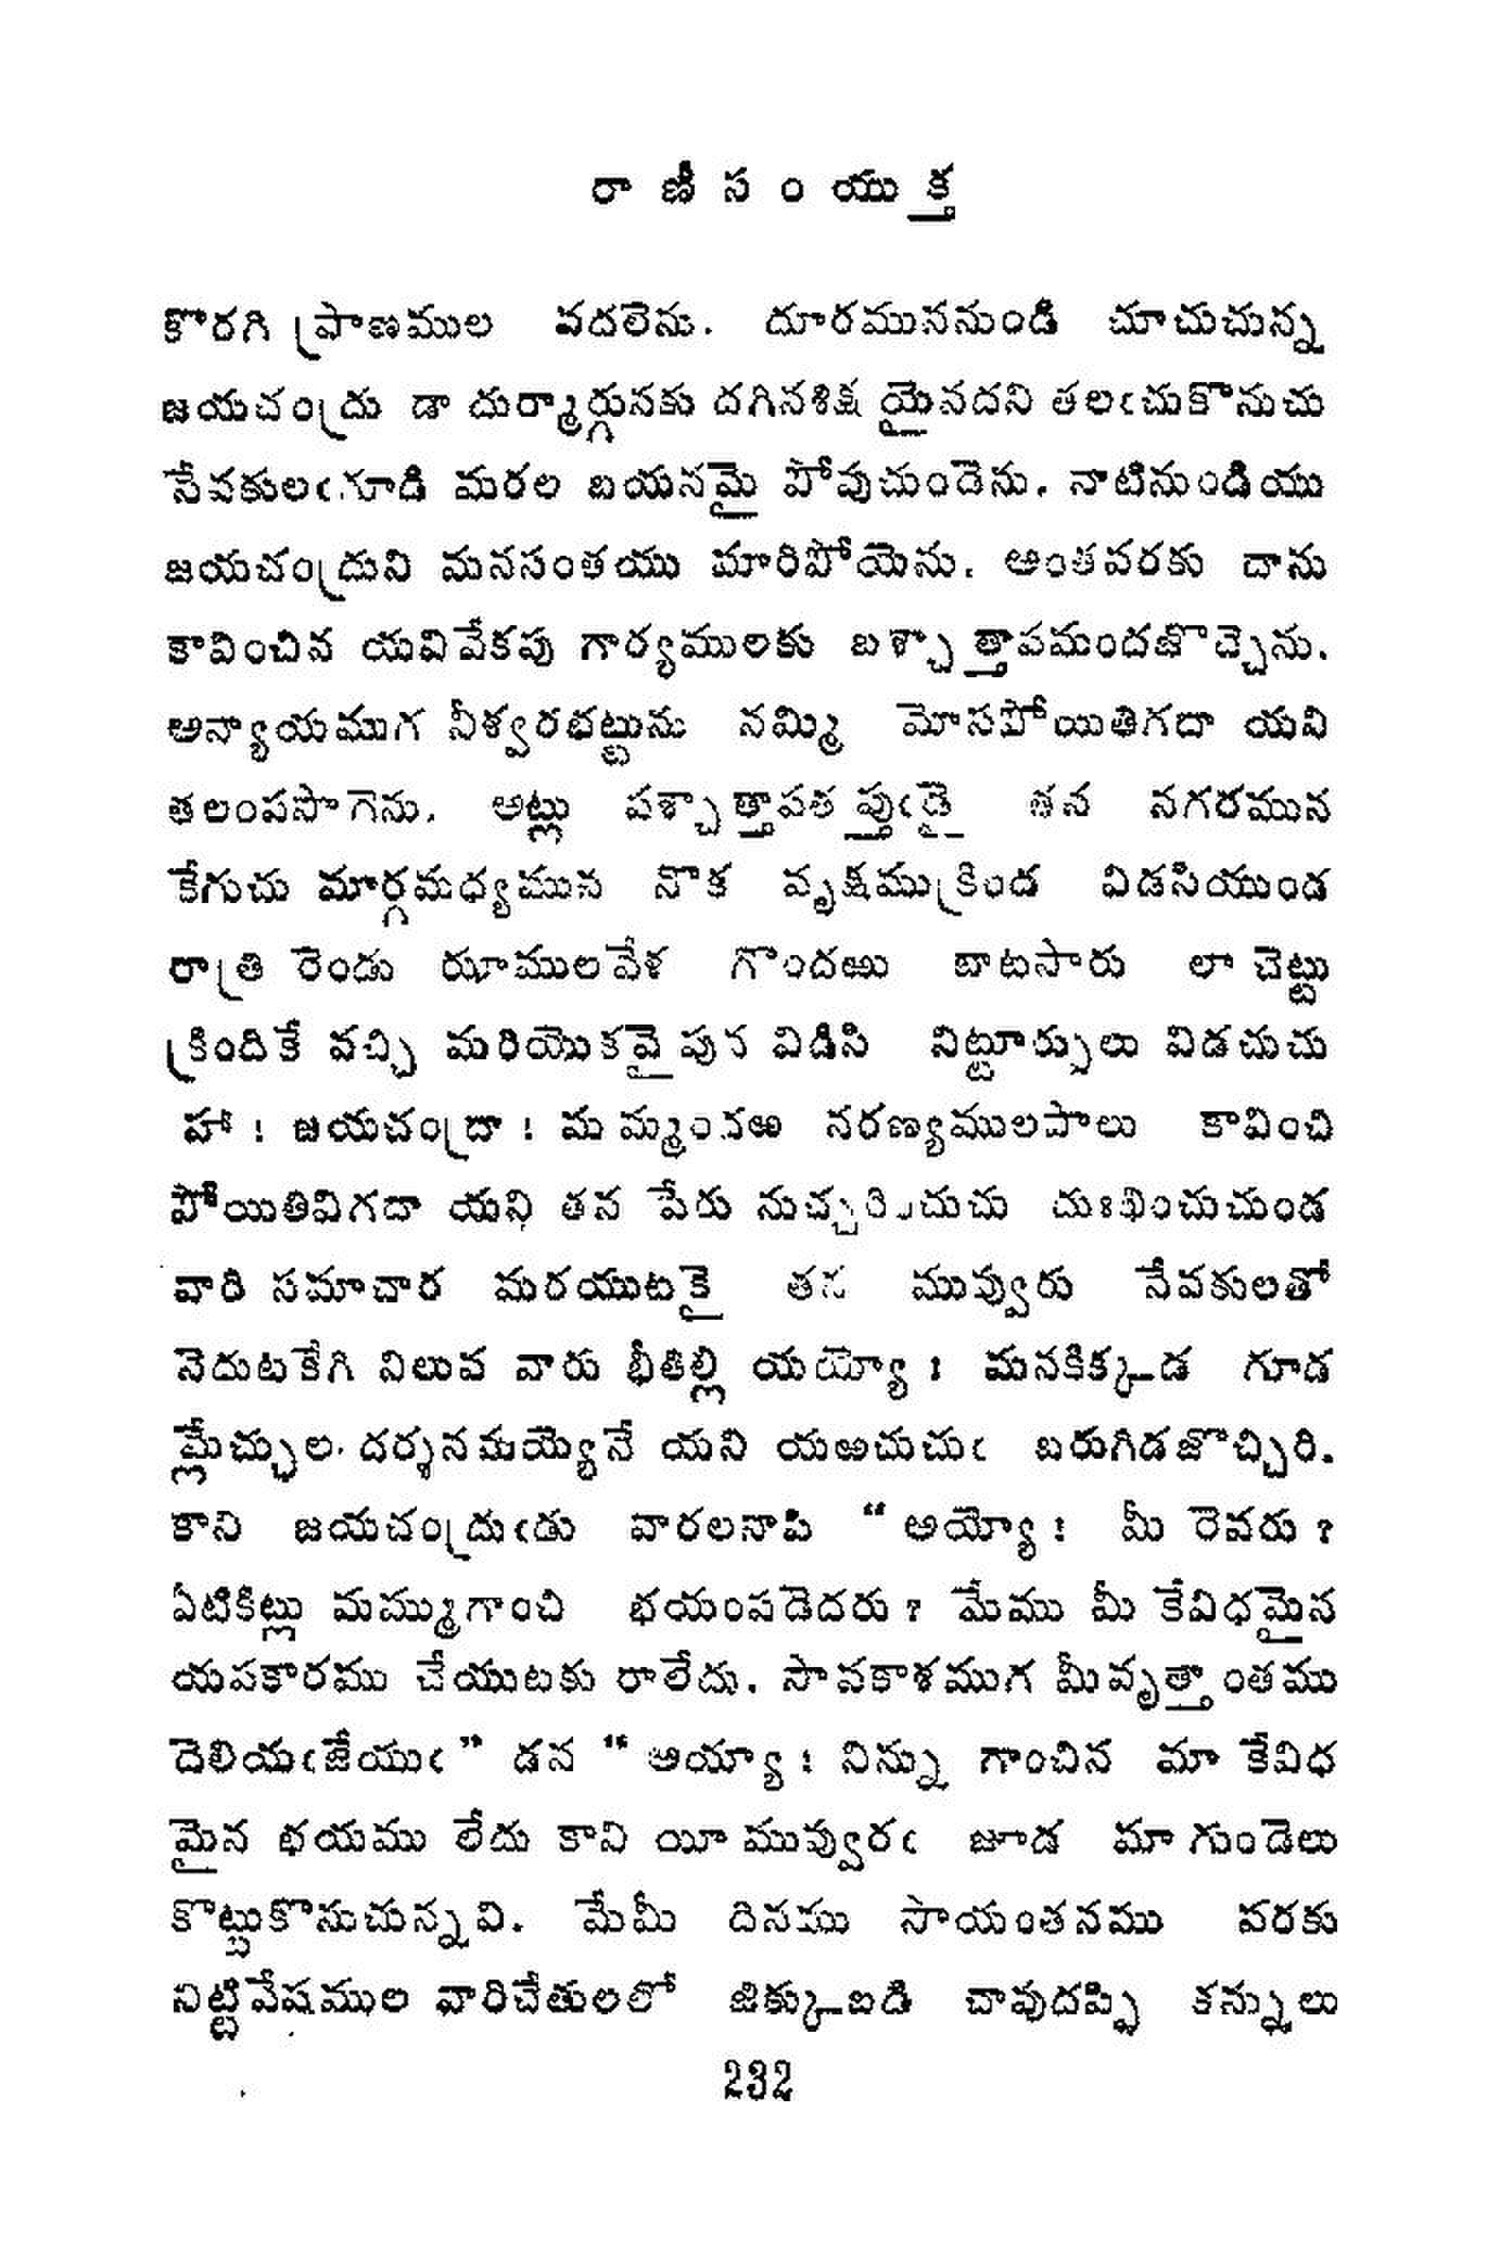కొరగి ప్రాణముల వదలెను. దూరముననుండి చూచుచున్న జయచంద్రు డా దుర్మార్గునకు దగినశిక్ష యైనదని తలంచుకొనుచు సేవకులఁగూడి మరల బయనమై పోపుచుండెను. నాటినుండియు జయచంద్రుని మనసంతయు మారిపోయెను. అంతవరకు దాను కావించిన యవివేకపు గార్యములకు బశ్చాత్తాపమందజొచ్చెను. అన్యాయముగ నీశ్వరభట్టును నమ్మి మోసపోయితిగదా యని తలంపసాగెను. అట్లు పశ్చాత్తాపతప్తుఁడై తన నగరమున కేగుచు మార్గమధ్యమున నొక వృక్షముక్రింద విడసియుండ రాత్రి రెండు ఝాములవేళ గొందఱు బాటసారు లాచెట్టు క్రిందికే వచ్చి మరియొకవైపున విడిసి నిట్టూర్పులు విడచుచు హా ! జయచంద్రా ! మమ్మందఱ నరణ్యములపాలు కావించి పోయితివిగదా యని తన పేరు నుచ్చరించుచు దుఃఖించుచుండ వారి సమాచార మరయుటకై తన మువ్వురు నేవకులతో నెదుటకేగి నిలువ వారు భీతిల్లి యయ్యో ! మనకిక్కడ గూడ మ్లేచ్ఛుల దర్శనమయ్యెనే యని యఱచుచుఁ బరుగిడజొచ్చిరి. కాని జయచంద్రుఁడు వారలనాపి. "అయ్యో ! మీ రెవరు? ఏటికిట్లు మమ్ముగాంచి భయంపడెదరు ? మేము మీ కేవిధమైన యపకారము చేయుటకు రాలేదు. సావకాశముగ మీవృత్తాంతము దెలియఁజేయుఁ" డన " అయ్యా ! నిన్ను గాంచిన మా కేవిధమైన భయము లేదు కాని యీ మువ్వురఁ జూడ మాగుండెలు కొట్టుకొనుచున్నవి. మేమీ దినము సాయంతనము వరకు నిట్టివేషముల వారిచేతులలో జిక్కుబడి చావుదప్పి కన్నులు